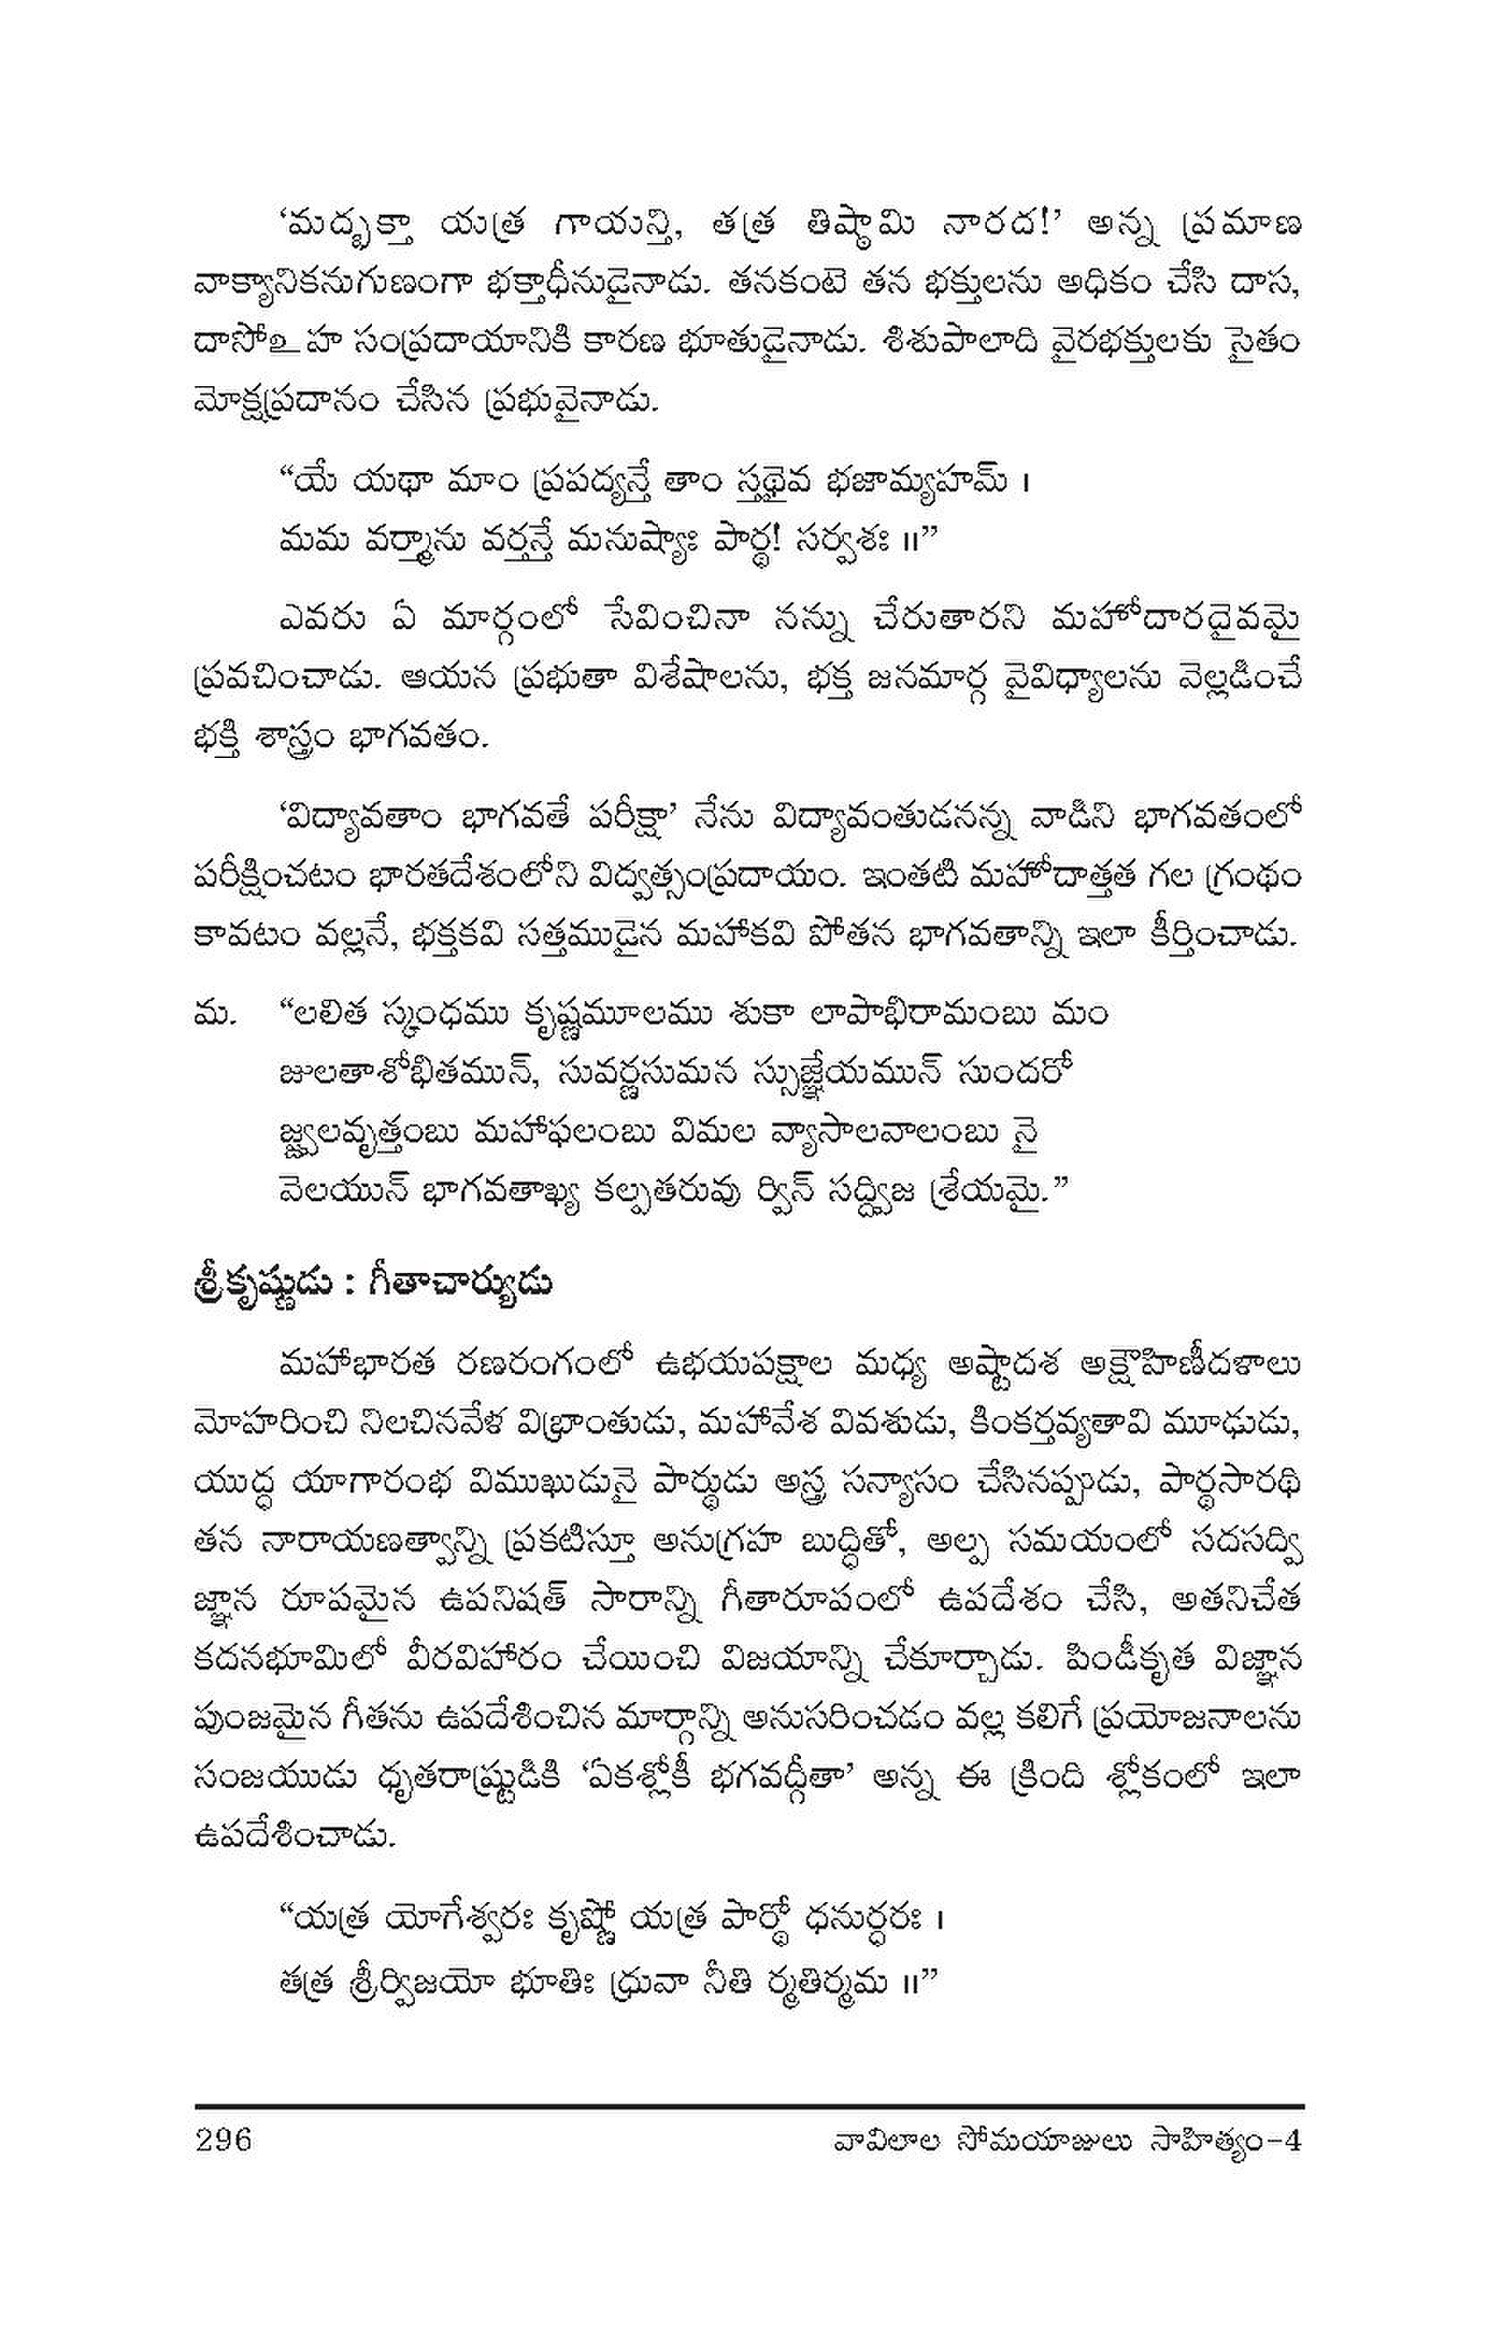'మద్భక్తా యత్ర గాయన్తి, తత్ర తిష్టామి నారద!' అన్న ప్రమాణ
వాక్యానికనుగుణంగా భక్తాధీనుడైనాడు. తనకంటే తన భక్తులను అధికం చేసి దాస, దాసోఽహ సంప్రదాయానికి కారణ భూతుడైనాడు. శిశుపాలాది వైరభక్తులకు సైతం మోక్షప్రదానం చేసిన ప్రభువైనాడు.

"యే యథా మాం ప్రపద్యన్తో తాం స్తథైవ భజామ్యహమ్।
మమ వర్మాను వర్తన్తే మనుష్యాః పార్థ! సర్వశః॥"

ఎవరు ఏ మార్గంలో సేవించినా నన్ను చేరుతారని మహోదారదైవమై
ప్రవచించాడు. ఆయన ప్రభుతా విశేషాలను, భక్త జనమార్గ వైవిధ్యాలను వెల్లడించే భక్తి శాస్త్రం భాగవతం.

'విద్యావతాం భాగవతే పరీక్షా' నేను విద్యావంతుడనన్న వాడిని భాగవతంలో
పరీక్షించటం భారతదేశంలోని విద్వత్సంప్రదాయం. ఇంతటి మహోదాత్తత గల గ్రంథం కావటం వల్లనే, భక్తకవిసత్తముడైన మహాకవి పోతన భాగవతాన్ని ఇలా కీర్తించాడు.

మ."లలిత స్కంధము కృష్ణమూలము శుకా లాపాభిరామంబు మం
జులతాశోభితమున్, సువర్ణసుమన స్సుజ్ఞేయమున్ సుందరో
జ్జ్వలవృత్తంబు మహాఫలంబు విమల వ్యాసాలవాలంబు నై
వెలయున్ భాగవతాఖ్య కల్పతరువు ర్విన్ సద్ద్విజ శ్రేయమై.”

శ్రీకృష్ణుడు: గీతాచార్యుడు

మహాభారత రణరంగంలో ఉభయపక్షాల మధ్య అష్టాదశ అక్షౌహిణీదళాలు
మోహరించి నిలచినవేళ విభ్రాంతుడు, మహావేశ వివశుడు, కింకర్తవ్యతావి మూఢుడు, యుద్ధ యాగారంభ విముఖుడునై పార్థుడు అస్త్ర సన్యాసం చేసినప్పుడు, పార్థసారథి తన నారాయణత్వాన్ని ప్రకటిస్తూ అనుగ్రహ బుద్ధితో, అల్ప సమయంలో సదసద్విజ్ఞాన రూపమైన ఉపనిషత్ సారాన్ని గీతారూపంలో ఉపదేశం చేసి, అతనిచేత కదనభూమిలో వీరవిహారం చేయించి విజయాన్ని చేకూర్చాడు. పిండీకృత విజ్ఞాన పుంజమైన గీతను ఉపదేశించిన మార్గాన్ని అనుసరించడం వల్ల కలిగే ప్రయోజనాలను సంజయుడు ధృతరాష్ట్రుడికి 'ఏకశ్లోకీ భగవద్గీతా' అన్న ఈ క్రింది శ్లోకంలో ఇలా ఉపదేశించాడు.

"యత్ర యోగేశ్వరః కృష్ణో యత్ర పార్టో ధనుర్ధరః |
తత్ర శ్రీర్విజయో భూతిః ధ్రువా నీతి ర్మతిర్మమ॥